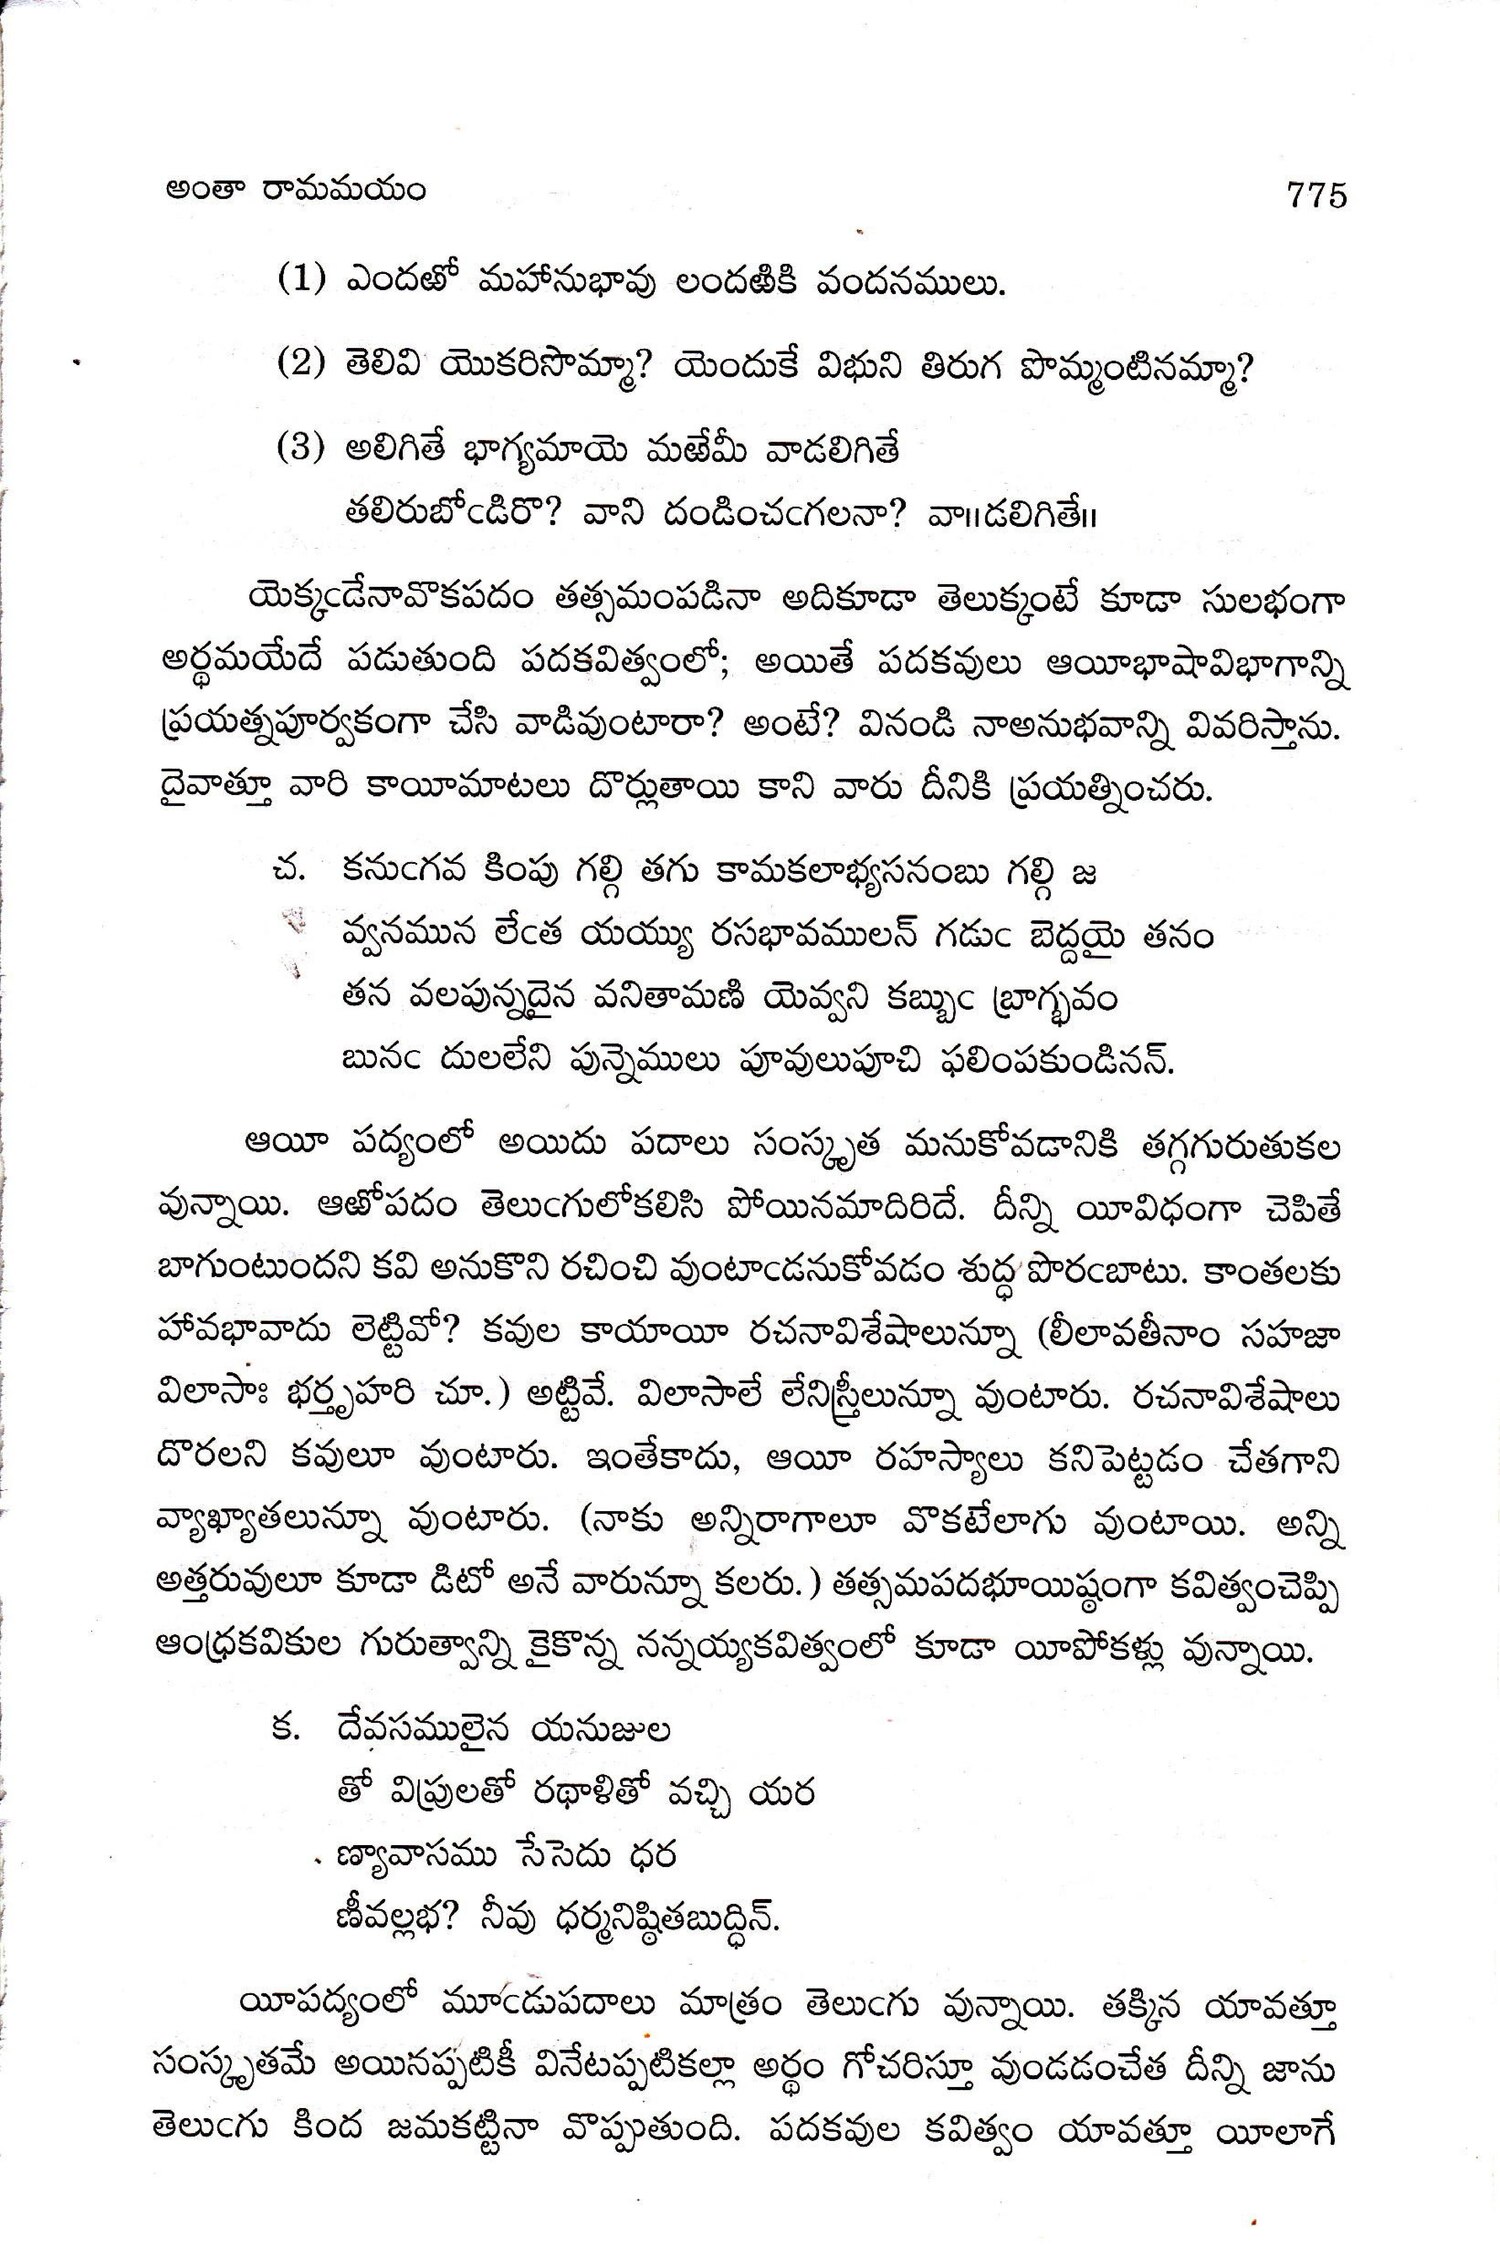(1) ఎందఱో మహానుభావు లందఱికి వందనములు.

(2) తెలివి యొకరిసొమ్మా యెందుకే విభుని తిరుగ పొమ్మంటినమ్మా

(3) అలిగితే భాగ్యమాయె మటేమీ వాడలిగితే
 తలిరుబోఁడిరొ? వాని దండించఁగలనా? వా||డలిగితే||
యెక్కఁడేనావొకపదం తత్సమంపడినా అదికూడా తెలుక్కంటే కూడా సులభంగా అర్థమయేదే పడుతుంది పదకవిత్వంలో; అయితే పదకవులు ఆయీభాషావిభాగాన్ని ప్రయత్నపూర్వకంగా చేసి వాడివుంటారా? అంటే? వినండి నాఅనుభవాన్ని వివరిస్తాను. దైవాత్తూ వారి కాయీమాటలు దొర్లుతాయి కాని వారు దీనికి ప్రయత్నించరు.

చ. కనుఁగవ కింపు గల్గి తగు కామకలాభ్యసనంబు గల్గి జ
 వ్వనమున లేఁత యయ్యు రసభావములన్ గడుఁ బెద్దయై తనం 
 తన వలపున్నదైన వనితామణి యెవ్వని కబ్బుఁ బ్రాగ్భవం 
 బునఁ దులలేని పున్నెములు పూవులుపూచి ఫలింపకుండినన్.
ఆయీ పద్యంలో అయిదు పదాలు సంస్కృత మనుకోవడానికి తగ్గగురుతుకల వున్నాయి. ఆఱోపదం తెలుఁగులోకలిసి పోయినమాదిరిదే. దీన్ని యీవిధంగా చెపితే బాగుంటుందని కవి అనుకొని రచించి వుంటాఁడనుకోవడం శుద్ధ పొరఁబాటు. కాంతలకు హావభావాదు లెట్టివో? కవుల కాయాయీ రచనావిశేషాలున్నూ (లీలావతీనాం సహజా విలాసాః భర్తృహరి చూ.) అట్టివే. విలాసాలే లేనిస్త్రీలున్నూ వుంటారు. రచనావిశేషాలు దొరలని కవులూ వుంటారు. ఇంతేకాదు, ఆయినా రహస్యాలు కనిపెట్టడం చేతగాని వ్యాఖ్యాతలున్నూ వుంటారు. (నాకు అన్నిరాగాలూ వొకటేలాగు వుంటాయి. అన్ని అత్తరువులూ కూడా డిటో అనే వారున్నూ కలరు.) తత్సమపదభూయిష్టంగా కవిత్వంచెప్పి ఆంధ్రకవికుల గురుత్వాన్ని కైకొన్న నన్నయ్యకవిత్వంలో కూడా యీపోకళ్లు వున్నాయి.

క. దేవసములైన యనుజుల
 తో విప్రులతో రథాళితో వచ్చి యర 
 ణ్యావాసము సేసెదు ధర 
 ణీవల్లభ? నీవు ధర్మనిష్ఠితబుద్ధిన్. 
యీపద్యంలో మూఁడుపదాలు మాత్రం తెలుఁగు వున్నాయి. తక్కిన యావత్తూ సంస్కృతమే అయినప్పటికీ వినేటప్పటికల్లా అర్థం గోచరిస్తూ వుండడంచేత దీన్ని జాను తెలుఁగు కింద జమకట్టినా వొప్పుతుంది. పదకవుల కవిత్వం యావత్తూ యీలాగే